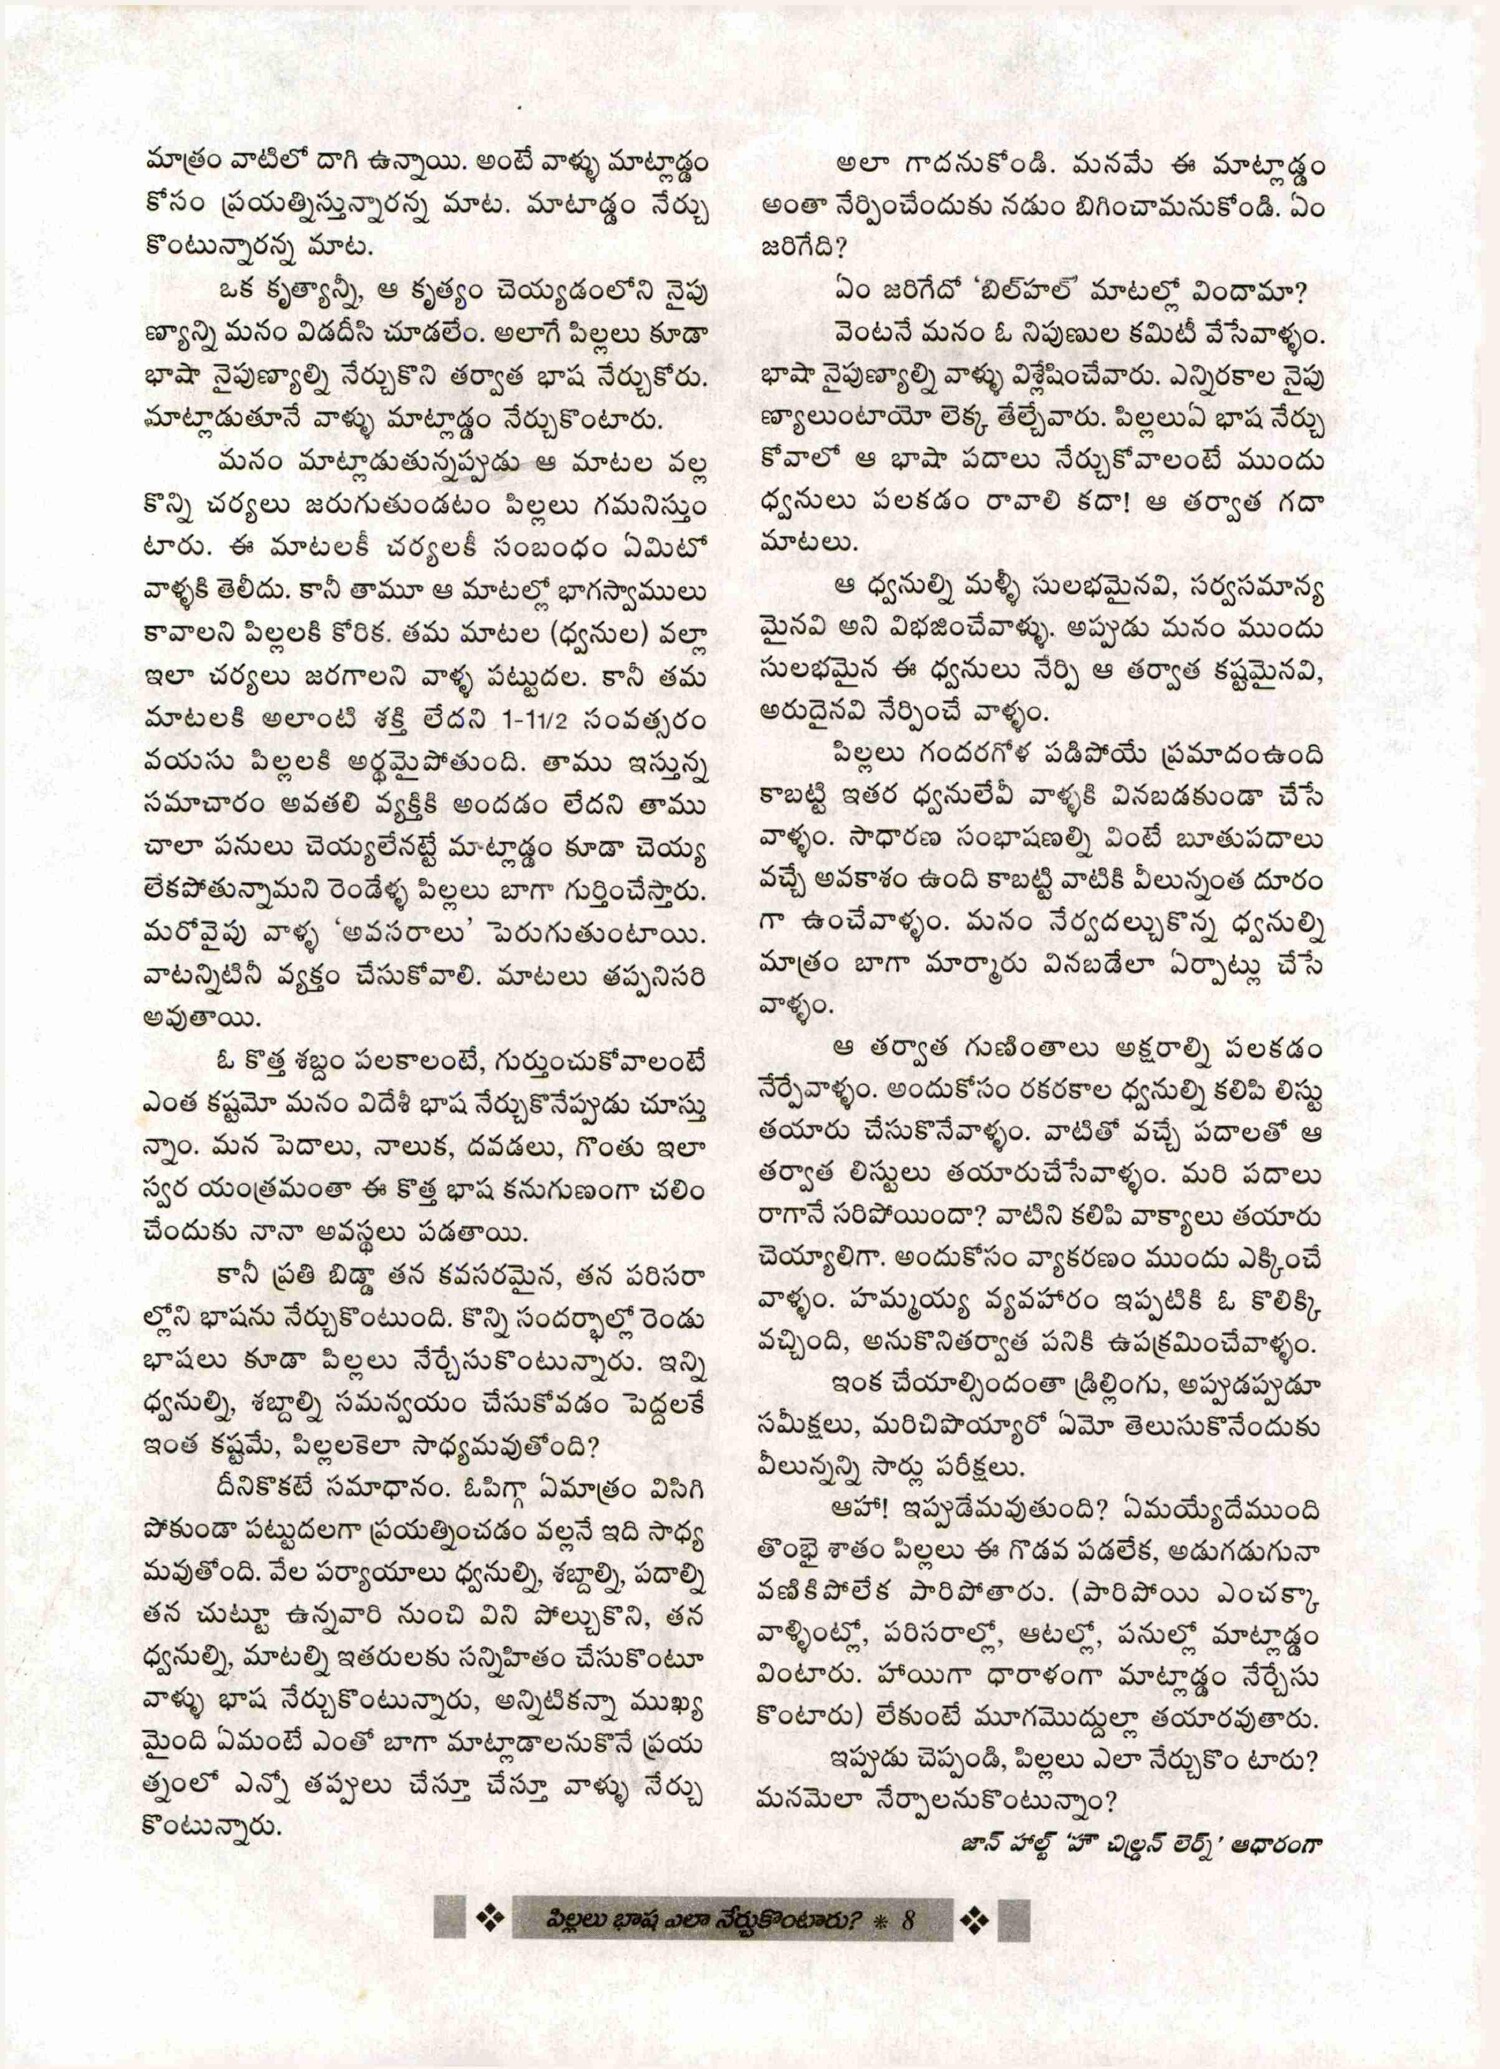మాత్రం వాటిలో దాగి ఉన్నాయి. అంటే వాళ్ళు మాట్లాడ్డం కోసం ప్రయత్నిస్తున్నారన్న మాట. మాటాడ్డం నేర్చు
కొంటున్నారన్న మాట.

ఒక కృత్యాన్నీ, ఆ కృత్యం చెయ్యడంలోని నైపుణ్యాన్ని మనం విడదీసి చూడలేం. అలాగే పిల్లలు కూడా భాషా నైపుణ్యాల్ని నేర్చుకొని తర్వాత భాష నేర్చుకోరు. మాట్లాడుతూనే వాళ్ళు మాట్లాడ్డం నేర్చుకొంటారు.

మనం మాట్లాడుతున్నప్పుడు ఆ మాటల వల్ల కొన్ని చర్యలు జరుగుతుండటం పిల్లలు గమనిస్తుంటారు. ఈ మాటలకీ చర్యలకీ సంబంధం ఏమిటో వాళ్ళకి తెలీదు. కానీ తామూ ఆ మాటల్లో భాగస్వాములు కావాలని పిల్లలకి కోరిక. తమ మాటల (ధ్వనుల) వల్లా ఇలా చర్యలు జరగాలని వాళ్ళ పట్టుదల. కానీ తమ మాటలకి అలాంటి శక్తి లేదని 1-1½ సంవత్సరం వయసు పిల్లలకి అర్థమైపోతుంది. తాము ఇస్తున్న సమాచారం అవతలి వ్యక్తికి అందడం లేదని తాము
చాలా పనులు చెయ్యలేనట్టే మాట్లాడ్డం కూడా చెయ్యలేకపోతున్నామని రెండేళ్ళ పిల్లలు బాగా గుర్తించేస్తారు.
మరోవైపు వాళ్ళ 'అవసరాలు' పెరుగుతుంటాయి. వాటన్నిటినీ వ్యక్తం చేసుకోవాలి. మాటలు తప్పనిసరి అవుతాయి.

ఓ కొత్త శబ్దం పలకాలంటే, గుర్తుంచుకోవాలంటే ఎంత కష్టమో మనం విదేశీ భాష నేర్చుకొనేప్పుడు చూస్తున్నాం. మన పెదాలు, నాలుక, దవడలు, గొంతు ఇలా స్వర యంత్రమంతా ఈ కొత్త భాష కనుగుణంగా చలించేందుకు నానా అవస్థలు పడతాయి.

కానీ ప్రతి బిడ్డా తన కవసరమైన, తన పరిసరాల్లోని భాషను నేర్చుకొంటుంది. కొన్ని సందర్భాల్లో రెండు భాషలు కూడా పిల్లలు నేర్చేసుకొంటున్నారు. ఇన్ని ధ్వనుల్ని, శబ్దాల్ని సమన్వయం చేసుకోవడం పెద్దలకే ఇంత కష్టమే, పిల్లలకెలా సాధ్యమవుతోంది?

దీనికొకటే సమాధానం. ఓపిగ్గా ఏమాత్రం విసిగి పోకుండా పట్టుదలగా ప్రయత్నించడం వల్లనే ఇది సాధ్యమవుతోంది. వేల పర్యాయాలు ధ్వనుల్ని, శబ్దాల్ని, పదాల్ని తన చుట్టూ ఉన్నవారి నుంచి విని పోల్చుకొని, తన ధ్వనుల్ని, మాటల్ని ఇతరులకు సన్నిహితం చేసుకొంటూ వాళ్ళు భాష నేర్చుకొంటున్నారు, అన్నిటికన్నా ముఖ్యమైంది ఏమంటే ఎంతో బాగా మాట్లాడాలనుకొనే ప్రయత్నంలో ఎన్నో తప్పులు చేస్తూ చేస్తూ వాళ్ళు నేర్చు కొంటున్నారు.

అలా గాదనుకోండి. మనమే ఈ మాట్లాడ్డం అంతా నేర్పించేందుకు నడుం బిగించామనుకోండి. ఏం జరిగేది?

ఏం జరిగేదో 'బిల్‌హల్' మాటల్లో విందామా?

వెంటనే మనం ఓ నిపుణుల కమిటీ వేసేవాళ్ళం. భాషా నైపుణ్యాల్ని వాళ్ళు విశ్లేషించేవారు. ఎన్నిరకాల నైపుణ్యాలుంటాయో లెక్క తేల్చేవారు. పిల్లలుఏ భాష నేర్చుకోవాలో ఆ భాషా పదాలు నేర్చుకోవాలంటే ముందు
ధ్వనులు పలకడం రావాలి కదా! ఆ తర్వాత గదా మాటలు.

ఆ ధ్వనుల్ని మళ్ళీ సులభమైనవి, సర్వసమాన్యమైనవి అని విభజించేవాళ్ళు. అప్పుడు మనం ముందు సులభమైన ఈ ధ్వనులు నేర్పి ఆ తర్వాత కష్టమైనవి, అరుదైనవి నేర్పించే వాళ్ళం.

పిల్లలు గందరగోళ పడిపోయే ప్రమాదంఉంది కాబట్టి ఇతర ధ్వనులేవీ వాళ్ళకి వినబడకుండా చేసేవాళ్ళం. సాధారణ సంభాషణల్ని వింటే బూతుపదాలు వచ్చే అవకాశం ఉంది కాబట్టి వాటికి వీలున్నంత దూరంగా ఉంచేవాళ్ళం. మనం నేర్వదల్చుకొన్న ధ్వనుల్ని మాత్రం బాగా మార్మారు వినబడేలా ఏర్పాట్లు చేసే వాళ్ళం.

ఆ తర్వాత గుణింతాలు అక్షరాల్ని పలకడం నేర్పేవాళ్ళం. అందుకోసం రకరకాల ధ్వనుల్ని కలిపి లిస్టు తయారు చేసుకొనేవాళ్ళం. వాటితో వచ్చే పదాలతో ఆ తర్వాత లిస్టులు తయారుచేసేవాళ్ళం. మరి పదాలు రాగానే సరిపోయిందా? వాటిని కలిపి వాక్యాలు తయారు చెయ్యాలిగా. అందుకోసం వ్యాకరణం ముందు ఎక్కించే వాళ్ళం. హమ్మయ్య వ్యవహారం ఇప్పటికి ఓ కొలిక్కి వచ్చింది, అనుకొనితర్వాత పనికి ఉపక్రమించేవాళ్ళం.

ఇంక చేయాల్సిందంతా డ్రిల్లింగు, అప్పుడప్పుడూ సమీక్షలు, మరిచిపొయ్యారో ఏమో తెలుసుకొనేందుకు వీలున్నన్ని సార్లు పరీక్షలు.

ఆహా! ఇప్పుడేమవుతుంది? ఏమయ్యేదేముంది తొంభై శాతం పిల్లలు ఈ గొడవ పడలేక, అడుగడుగునా
వణికిపోలేక పారిపోతారు. (పారిపోయి ఎంచక్కా వాళ్ళింట్లో, పరిసరాల్లో, ఆటల్లో, పనుల్లో మాట్లాడ్డం వింటారు. హాయిగా ధారాళంగా మాట్లాడ్డం నేర్చేసుకొంటారు) లేకుంటే మూగమొద్దుల్లా తయారవుతారు.

ఇప్పుడు చెప్పండి, పిల్లలు ఎలా నేర్చుకొం టారు? మనమెలా నేర్పాలనుకొంటున్నాం?